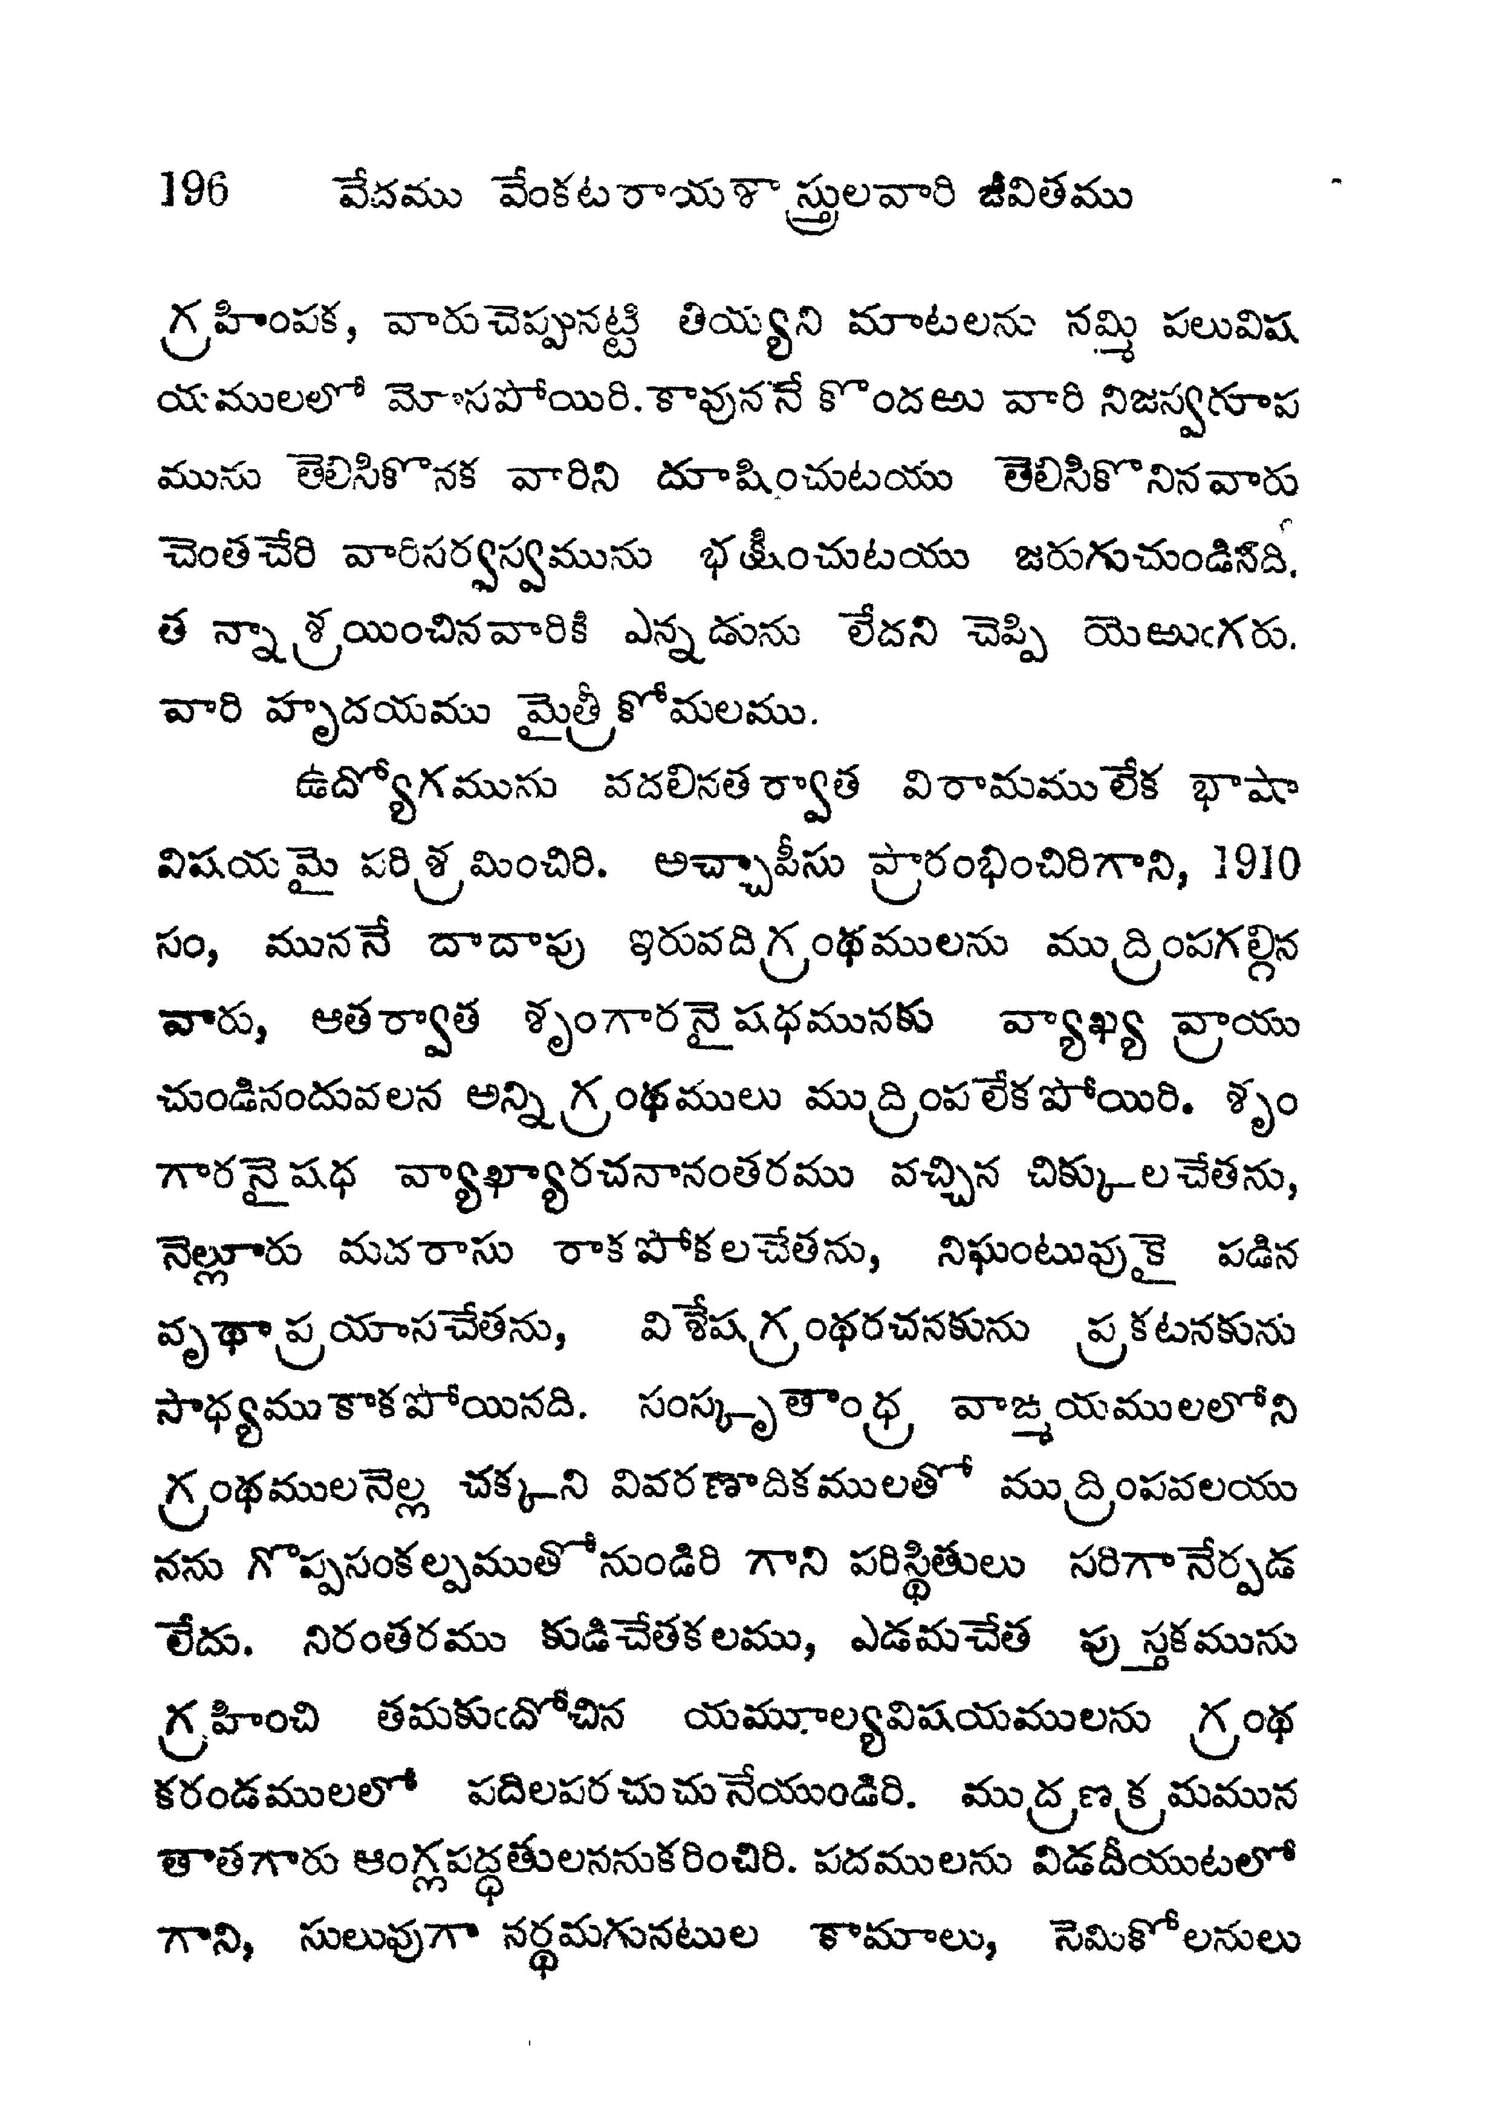గ్రహింపక, వారుచెప్పునట్టి తియ్యని మాటలను నమ్మి పలువిషయములలో మోసపోయిరి. కావుననే కొందఱు వారి నిజస్వరూపమును తెలిసికొనక వారిని దూషించుటయు తెలిసికొనినవారు చెంతచేరి వారిసర్వస్వమును భక్షించుటయు జరుగుచుండినది. తన్నాశ్రయించిన వారికి ఎన్నడును లేదని చెప్పి యెఱుగరు. వారి హృదయము మైత్రీకోమలము.

ఉద్యోగమును వదలిన తర్వాత విరామములేక భాషావిషయమై పరిశ్రమించిరి. అచ్చాపీసు ప్రారంభించిరి గాని, 1910 సం, ముననే దాదాపు ఇరువదిగ్రంథములను ముద్రింపగల్గినవారు, ఆతర్వాత శృంగారనైషధమునకు వ్యాఖ్య వ్రాయుచుండి నందువలన అన్నిగ్రంథములు ముద్రింపలేకపోయిరి. శృంగారనైషధ వ్యాఖ్యారచనానంతరము వచ్చిన చిక్కులచేతను, నెల్లూరు మదరాసు రాకపోకలచేతను, నిఘంటువుకై పడిన వృథాప్రయాసచేతను, విశేషగ్రంథరచనకును ప్రకటనకును సాధ్యముకాక పోయినది. సంస్కృతాంధ్ర వాఙ్మయములలోని గ్రంథములనెల్ల చక్కని వివరణాదికములతో ముద్రింపవలయునను గొప్పసంకల్పముతోనుండిరి గాని పరిస్థితులు సరిగానేర్పడలేదు. నిరంతరము కుడిచేతకలము, ఎడమచేత పుస్తకమును గ్రహించి తమకుదోచిన యమూల్యవిషయములను గ్రంథ కరండములలో పదిలపరచుచునేయుండిరి. ముద్రణక్రమమున తాతగారు ఆంగ్లపద్ధతులననుకరించిరి. పదములను విడదీయుటలో గాని, సులువుగా నర్థమగునటుల కామాలు, సెమికోలనులు